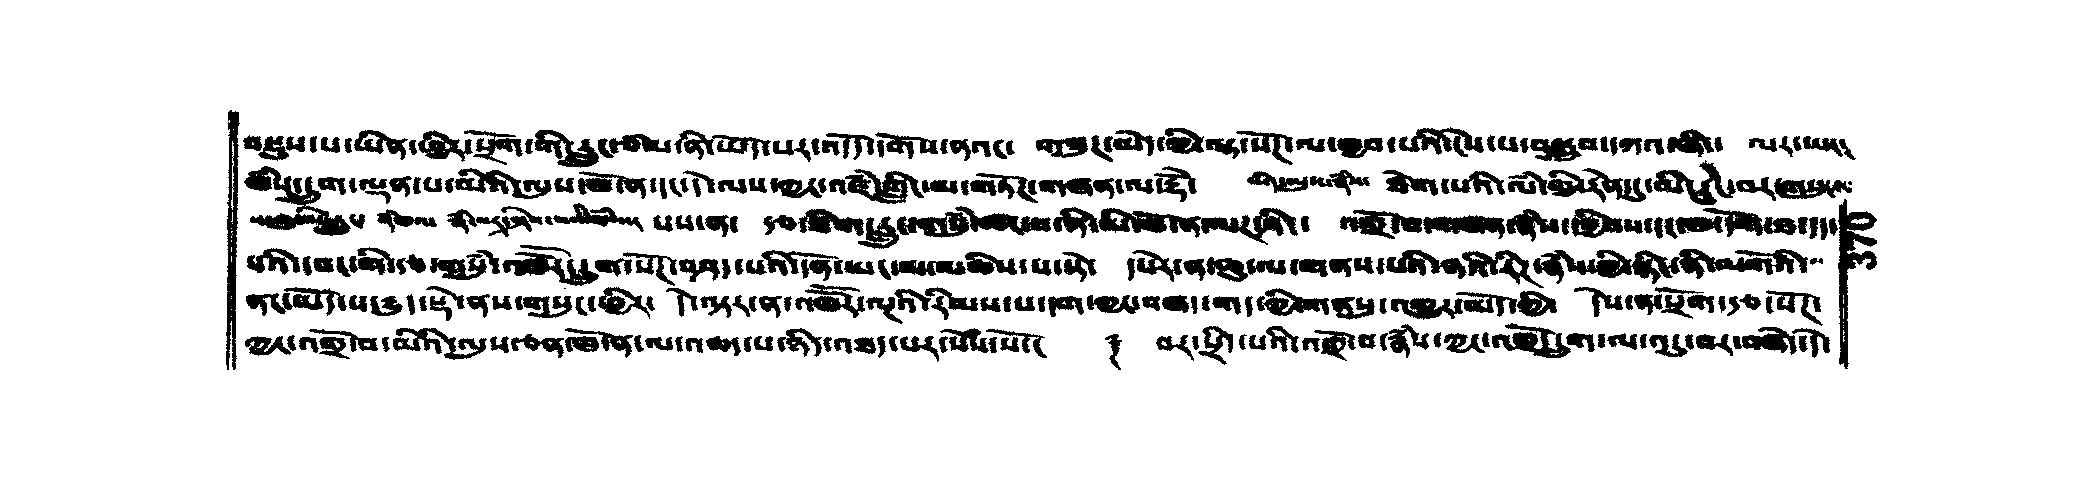བསྡུས་པ་ཡིན་ཕྱིར་སྲོག་གི་རླུང་ཙམ་ནི་ཡོད་པར་འདོད་དགོས་ནའང་། གཟུགས་མེད་གྱི་ལྷ་སོགས་ལ་ཁྱབ་པའི་ངེས་པ་བསྒྲུབ་དཀའ་ཞིང་། ལར་ཡང་། 
ཁམས་དྲུག་ལྡན་པ་མིའི་ལུས་ཁོ་ན་དང་དེ་ལས་ཀྱང་འཛམ་གླིང་མ་གཏོགས་གཞན་ལ་རྡོ་རྗེ་ཐེག་པའི་ལམ་གྱི་རྟེན་དུ་མི་རུང་བར་གསུངས་
པས་ན། རྩ་ཐིག་རླུང་གསུམ་ཚང་བ་ནི་མི་ཁོ་ན་ལགས་ཤིང་། འགྲོ་བ་གཞན་རྣམས་དབྱིབས་དང་ཁ་དོག་ཐ་དད་
པའི་དབང་གི་རྩ་གསུམ་འཁོར་ལོ་དྲུག་སོགས་བཤད་པའི་དོན་ཡང་མ་མཆིས་པ་སྟེ། དཔེར་ན་ཆུ་ལ་གནས་པའི་ཉའི་རིགས་རྣམས་ཀྱི་སྙིང་ནི་མགོའི་
ནང་ཡོད་པ་རྒྱུད་སྡེ་ནས་གསུང་ཕྱིར། དེ་ལྟར་ན་འཁོར་ལོ་ལྔ་རིམ་པ་དག་ཀྱང་བཞད་གད་ཀྱི་གནས་སུ་འགྱུར་མོད་ཀྱི། དེས་ན་སྲོག་རྩ་སོགས་
ཀྱང་འགྲོ་བ་མིའི་ལུས་ཅན་ཁོ་ན་ལ་འཆད་པ་ཉིད་འཐད་པར་སེམས་སོ། ༈ བར་སྲིད་པའི་འགྲོ་བ་རྣམས་ཀྱང་འགྲོ་དྲུག་ལ་འདུ་བར་བཞེད་དེ།